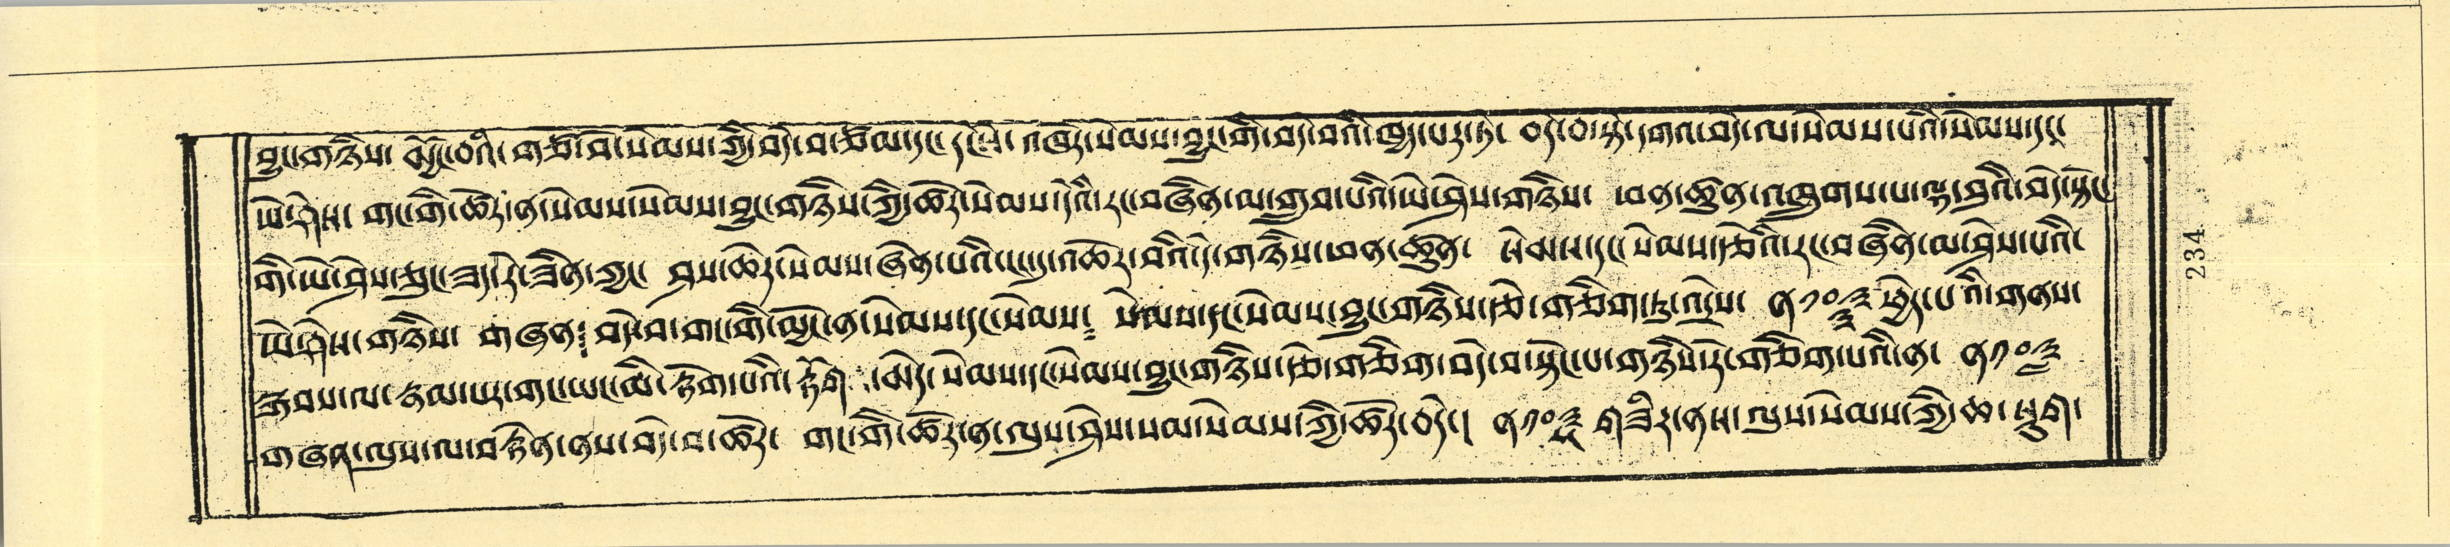བྱུང་གཉིས་ ༼མྱོང་བའི་༽གཙོ་བོ་སེམས་ཀྱི་བདེ་བ་ཙམ་དང་ ༼དངོས་༽འཁོར་སེམས་བྱུང་གི་བདེ་བའི་ཁྱད་པར་ཏེ། ༼བདེ་བ་སྟེ་༽དགའ་བདེ་ལ་སེམས་པའི་སེམས་དང་ 
༼ཡེ་ཤེས་༽གང་གི་ཚོར་ན་སེམས་སེམས་བྱུང་གཉིས་ཀྱི་ཚོར་སེམས་དེའི་རང་བཞིན་མ་གྲུབ་པའི་ཡེ་ཤེས་གཉིས་ཕན་ཚུན་འཁྲུགས་པ་ལྟ་བུའི་བདེ་སྟོང་
གི་ཡེ་ཤེས་ཅུང་ཟད་རེ་ཟིན་ཀྱང་ཤས་ཆེར་སེམས་ཞེན་པའི་ངང་དུ་འཆོར་བའི་དེ་གཉིས་ཕན་ཚུན་ ༼སེམས་དང་༽སེམས་རྩེའི་རང་བཞིན་མ་ཤེས་པའི་ 
༼ཡེ་ཤེས་༽གཉིས་གཞན་་་། བདེ་བ་གང་གི་མྱོང་ན་སེམས་དང་སེམས་་་། སེམས་དང་སེམས་འབྱུང་གཉིས་རྩེ་གཅིག་ཏུ་འདྲེས་ན༡༠༣།༣ ༼ཕྱེད་༽པའི་གནས་
སྐབས་ལ་རྣམ་པར་གང་ཡང་མི་རྟོག་པའི་ ༼རྟོག་མེད་༽སེམས་དང་སེམས་འབྱུང་གཉིས་རྩེ་གཅིག་བདེ་བ་སྟོང་པ་གཉིས་རེ་གཅིག་པའི་ན་ན༡༠༣།༤ 
གཞན་ལུས་ལ་བརྟེན་ནས་བདེ་བ་ཚོར། གང་གི་ཚོར་ན་ལུས་ཤེས་སམ་སེམས་ཀྱི་ ༼ཚོར་བདེ་༽ན༡༠༣།༥ ༼གཟིར་ནས་༽ལུས་སེམས་ཀྱི་ཆ་ ༼སྡུག་༽